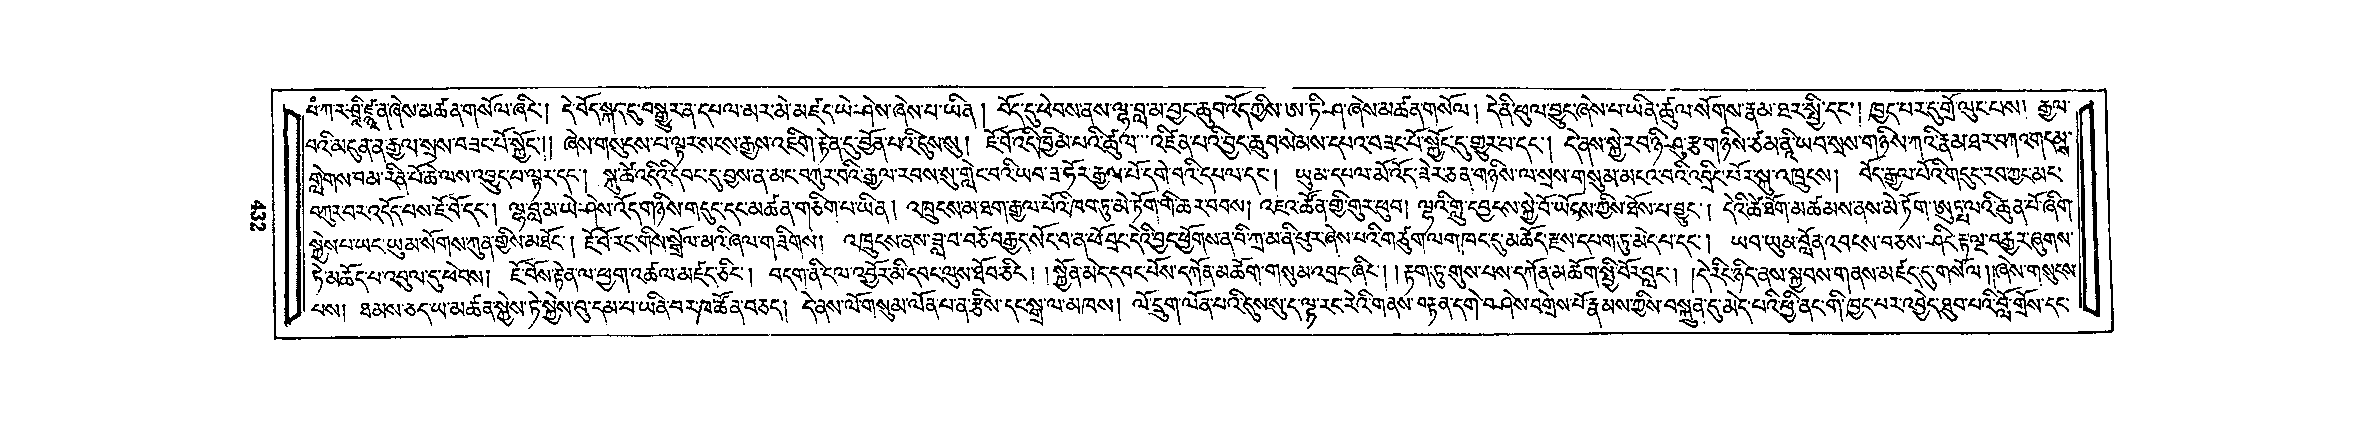པཾ་ཀ་ར་ཤྲཱི་ཛྙཱ་ན་ཞེས་མཚན་གསོལ་ཞིང་། དེ་བོད་སྐད་དུ་བསྒྱུར་ན་དཔལ་མར་མེ་མཛད་ཡེ་ཤེས་ཞེས་པ་ཡིན། བོད་དུ་ཕེབས་ནས་ལྷ་བླ་མ་བྱང་ཆུབ་འོད་ཀྱིས་ཨ་ཏི་ཤ་ཞེས་མཚན་གསོལ། དེ་ནི་ཕུལ་བྱུང་ཞེས་པ་ཡིན་ཚུལ་སོགས་རྣམ་ཐར་སྤྱི་དང་། ཁྱད་པར་དུ་གྲོ་ལུང་པས། རྒྱལ་
བའི་མདུན་ན་རྒྱལ་སྲས་བཟང་པོ་སྐྱོང་། །ཞེས་གསུངས་པ་ལྟར་སངས་རྒྱས་འཇིག་རྟེན་དུ་བྱོན་པའི་དུས་སུ། ཇོ་བོ་འདི་ཁྱིམ་པའི་ཚུལ་འཛིན་པའི་བྱང་ཆུབ་སེམས་དཔའ་བཟང་པོ་སྐྱོང་དུ་གྱུར་པ་དང་། དེ་ནས་སྐྱེ་རབ་ཉི་ཤུ་རྩ་གཉིས་ཙམ་ནཱི་ཡབ་སྲས་གཉིས་ཀའི་རྣམ་ཐར་བཀའ་གདམས་
གླེགས་བམ་རིན་པོ་ཆེ་ལས་འབྱུང་པ་ལྟར་དང་། སྐུ་ཚེ་འདིའི་དབང་དུ་བྱས་ན་མང་བཀུར་བའི་རྒྱལ་རབས་སུ་གླེང་བའི་ཡབ་ཟ་ཧོར་རྒྱལ་པོ་དགེ་བའི་དཔལ་དང་། ཡུམ་དཔལ་མོ་འོད་ཟེར་ཅན་གཉིས་ལ་སྲས་གསུམ་མངའ་བའི་འབྲིང་པོར་སྐུ་འཁྲུངས། བོད་རྒྱལ་པོའི་གདུང་རབ་ཀྱང་མང་
བཀུར་བར་འདོད་པས་ཇོ་བོ་དང་། ལྷ་བླ་མ་ཡེ་ཤེས་འོད་གཉིས་གདུང་དང་མཚན་གཅིག་པ་ཡིན། འཁྲུངས་མ་ཐག་རྒྱལ་པོའི་ཁབ་ཏུ་མེ་ཏོག་གི་ཆར་བབས། འཇའ་ཚོན་གྱི་གུར་ཕུབ། ལྷའི་གླུ་དབྱངས་སྐྱེ་བོ་ཡོངས་ཀྱིས་ཐོས་པ་བྱུང་། དེའི་ཚེ་ཐོག་མཚམས་ནས་མེ་ཏོག་ཨུཏྤ་ལའི་ཆུན་པོ་ཞིག་
སྐྱེས་པ་ཡང་ཡུམ་སོགས་ཀུན་གྱིས་མཐོང་། ཇོ་བོ་རང་གིས་སྒྲོལ་མའི་ཞལ་གཟིགས། འཁྲུངས་ནས་ཟླ་བ་བཅོ་བརྒྱད་སོང་བ་ན་ཕོ་བྲང་དེའི་བྱང་ཕྱོགས་ན་བི་ཀྲ་མ་ནི་པུར་ཞེས་པའི་གཙུག་ལག་ཁང་དུ་མཆོད་རྫས་དཔག་ཏུ་མེད་པ་དང་། ཡབ་ཡུམ་བློན་འབངས་བཅས་ཤིང་རྟ་ལྔ་བརྒྱར་ཞུགས་
ཏེ་མཆོད་པ་འབུལ་དུ་ཕེབས། ཇོ་བོས་རྟེན་ལ་ཕྱག་འཚལ་མཛད་ཅིང་། བདག་ནི་དལ་འབྱོར་མི་དབང་ལུས་ཐོབ་ཅིང་། །སྐྱོན་མེད་དབང་པོས་དཀོན་མཆོག་གསུམ་འབྲང་ཞིང་། །རྟག་ཏུ་གུས་པས་དཀོན་མཆོག་སྤྱི་བོར་བླང་། །དེ་རིང་ཉིད་ནས་སྐྱབས་གནས་མཛད་དུ་གསོལ། །ཞེས་གསུངས་
པས། ཐམས་ཅད་ཡ་མཚན་སྐྱེས་ཏེ་སྐྱེས་བུ་དམ་པ་ཡིན་བར་ཁ་ཚོན་བཅད། དེ་ནས་ལོ་གསུམ་ལོན་པ་ན་རྩིས་དང་སྒྲ་ལ་མཁས། ལོ་དྲུག་ལོན་པའི་དུས་སུ་ད་ལྟ་རང་རེའི་གནས་བརྟན་དགེ་བཤེས་བགྲེས་པོ་རྣམས་ཀྱིས་བསྐྲུན་དུ་མེད་པའི་ཕྱི་ནང་གི་ཁྱད་པར་འབྱེད་ཐུབ་པའི་བློ་གྲོས་དང་